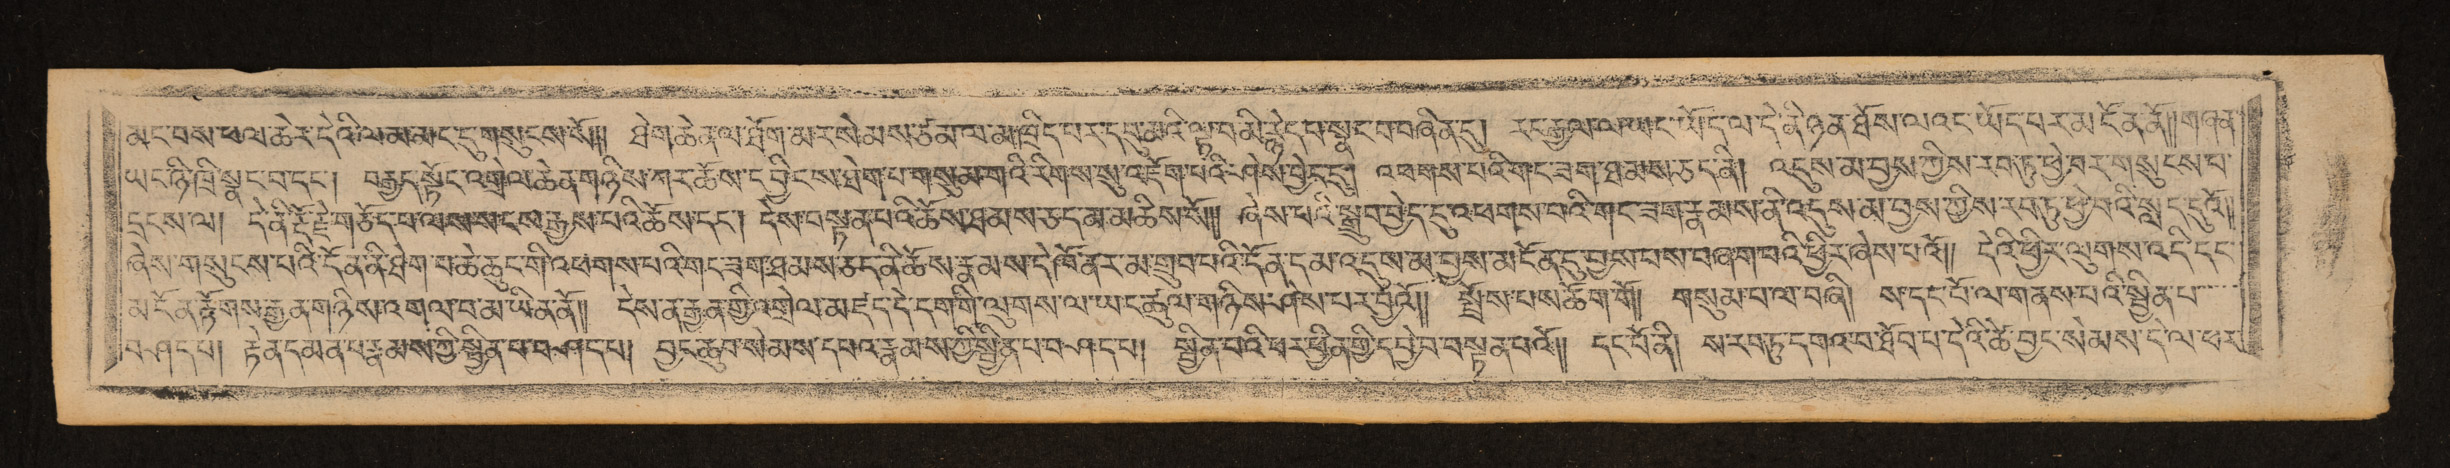མང་བས་ཕལ་ཆེར་དེའི་ལམ་མང་དུ་གསུངས་སོ།། ཐེག་ཆེན་ལ་ཐོག་མར་སེམས་ཙམ་ལ་མ་ཁྲིད་པར་དབུ་མའི་ལྟ་བ་མི་རྙེད་པ་སྣང་བ་བཞིན་དུ། རང་རྒྱལ་ལ་ཡང་ཡོད་ལ་དེ་ནི་ཉན་ཐོས་ལའང་ཡོད་པར་མངོན་ནོ།། གཞན་
ཡང་ཉི་ཁྲི་སྣང་བ་དང་། བརྒྱད་སྟོང་འགྲེལ་ཆེན་གཉིས་ཀར་ཆོས་དབྱིངས་ཐེག་པ་གསུམ་གའི་རིགས་སུ་འཇོག་པའི་ཤེས་བྱེད་དུ། འཕགས་པའི་གང་ཟག་ཐམས་ཅད་ནི། འདུས་མ་བྱས་ཀྱིས་རབ་ཏུ་ཕྱེ་བར་གསུངས་པ་
དྲངས་ལ། དེ་ནི་རྡོ་རྗེ་གཅོད་པ་ལས་སངས་རྒྱས་པའི་ཆོས་དང་། དེས་བསྟན་པའི་ཆོས་ཐམས་ཅད་མ་མཆིས་སོ།། ཞེས་པའི་སྒྲུབ་བྱེད་དུ་འཕགས་པའི་གང་ཟག་རྣམས་ནི་འདུས་མ་བྱས་ཀྱིས་རབ་ཏུ་ཕྱེ་བའི་སླད་དུའོ།།
ཞེས་གསུངས་པའི་དོན་ནི་ཐེག་པ་ཆེ་ཆུང་གི་འཕགས་པའི་གང་ཟག་ཐམས་ཅད་ནི་ཆོས་རྣམས་དེ་ཁོ་ནར་མ་གྲུབ་པའི་དོན་དམ་འདུས་མ་བྱས་མངོན་དུ་བྱས་པས་བཞག་པའི་ཕྱིར་ཞེས་པའོ།། དེའི་ཕྱིར་ལུགས་འདི་དང་
མངོན་རྟོགས་རྒྱན་གཉིས་འགལ་བ་མ་ཡིན་ནོ།། དེས་ན་རྒྱན་གྱི་འགྲེལ་མཛད་དེ་དག་གི་ལུགས་ལ་ཡང་ཚུལ་གཉིས་ཤེས་པར་བྱའོ།། སྤྲོས་པས་ཆོག་གོ། གསུམ་པ་ལ་བཞི། ས་དང་པོ་ལ་གནས་པའི་སྦྱིན་པ་
བཤད་པ། རྟེན་དམན་པ་རྣམས་ཀྱི་སྦྱིན་པ་བཤད་པ། བྱང་ཆུབ་སེམས་དཔའ་རྣམས་ཀྱི་སྦྱིན་པ་བཤད་པ། སྦྱིན་པའི་ཕར་ཕྱིན་གྱི་དབྱེ་བ་བསྟན་པའོ།། དང་པོ་ནི། ས་རབ་ཏུ་དགའ་བ་ཐོབ་པ་དེའི་ཚེ་བྱང་སེམས་དེ་ལ་ཕར་